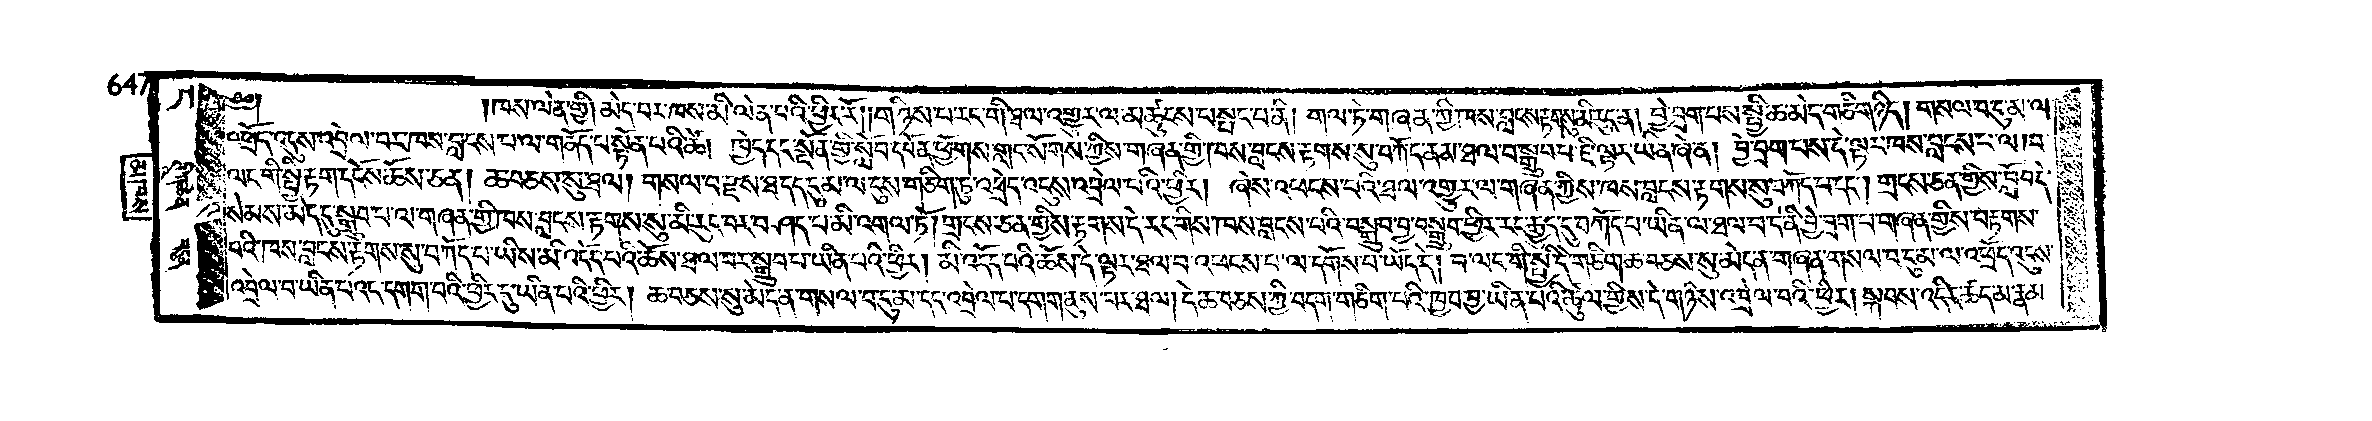༄༅། །ཁས་ལེན་གྱི། མེད་པར་ཁས་མི་ལེན་པའི་ཕྱིར་རོ། །གཉིས་པ་རང་གི་ཐལ་འགྱུར་ལ་མཚུངས་པ་སྤང་བ་ནི། གལ་ཏེ་གཞན་གྱི་ཁས་བླངས་རྟགས་སུ་མི་རུང་ན། བྱེ་བྲག་པས་སྤྱི་ཆ་མེད་གཅིག་ཉིད། གསལ་བ་དུ་མ་ལ་
འཕྲོད་འདུས་འབྲེལ་བར་ཁས་བླངས་པ་ལ་གནོད་པ་སྟོན་པའི་ཚེ། ཁྱེད་དང་སྔོན་གྱི་སློབ་དཔོན་ཕྱོགས་གླང་སོགས་ཀྱིས་གཞན་གྱི་ཁས་བླངས་རྟགས་སུ་བཀོད་ནམ་ཐལ་བ་སྒྲུབ་པ་ཇི་ལྟར་ཡིན་ཞེ་ན། བྱེ་བྲག་པས་དེ་ལྟར་ཁས་བླངས་པ་ལ། བ་
ལང་གི་སྤྱི་རྟག་དངོས་ཆོས་ཅན། ཆ་བཅས་སུ་ཐལ། གསལ་བ་རྫས་ཐ་དད་དུ་མ་ལ་དུས་གཅིག་ཏུ་འཕྲེད་འདུས་འབྲེལ་བའི་ཕྱིར། ཞེས་འཕངས་པའི་ཐལ་འགྱུར་ལ་གཞན་གྱིས་ཁས་བླངས་རྟགས་སུ་བཀོད་པ་དང་། གྲངས་ཅན་གྱིས་བློ་བདེ་
སེམས་མེད་དུ་སྒྲུབ་པ་ལ་གཞན་གྱི་ཁས་བླངས་རྟགས་སུ་མི་རུང་བར་བཤད་པ་མི་འགལ་ཏོ། གྲངས་ཅན་གྱིས་རྟགས་དེ་རང་གིས་ཁས་བླངས་པའི་བསྒྲུབ་བྱ་བསྒྲུབ་ཕྱིར་རང་རྒྱུད་དུ་བཀོད་པ་ཡིན་ལ་ཐལ་བ་དེ་ནི་བྱེ་བྲག་པ་གཞན་གྱིས་བརྟགས་
པའི་ཁས་བླངས་རྟགས་སུ་བཀོད་པ་ཡིས་མི་འདོད་པའི་ཆོས་ཐལ་བར་སྒྲུབ་པ་ཡིན་པའི་ཕྱིར། མི་འདོད་པའི་ཆོས་དེ་ལྟར་ཐལ་བ་འཕངས་པ་ལ་དགོས་པ་ཡོད་དེ། བ་ལང་གི་སྤྱི་དེ་གཅིག་ཆ་བཅས་སུ་མེད་ན་གཞན་གསལ་བ་དུ་མ་ལ་འཕྲོད་འདུས་
འབྲེལ་བ་ཡིན་པའང་དགག་པའི་ཕྱིར་དུ་ཡིན་པའི་ཕྱིར། ཆ་བཅས་སུ་མེད་ན་གསལ་བ་དུ་མ་དང་འབྲེལ་བ་དགག་ནུས་པར་ཐལ། དེ་ཆ་བཅས་ཀྱི་བདག་གཅིག་པའི་ཁྱབ་བྱ་ཡིན་པའི་ཚུལ་གྱིས་དེ་གཉིས་འབྲེལ་བའི་ཕྱིར། སྐབས་འདིར་ཚད་མ་རྣམ་